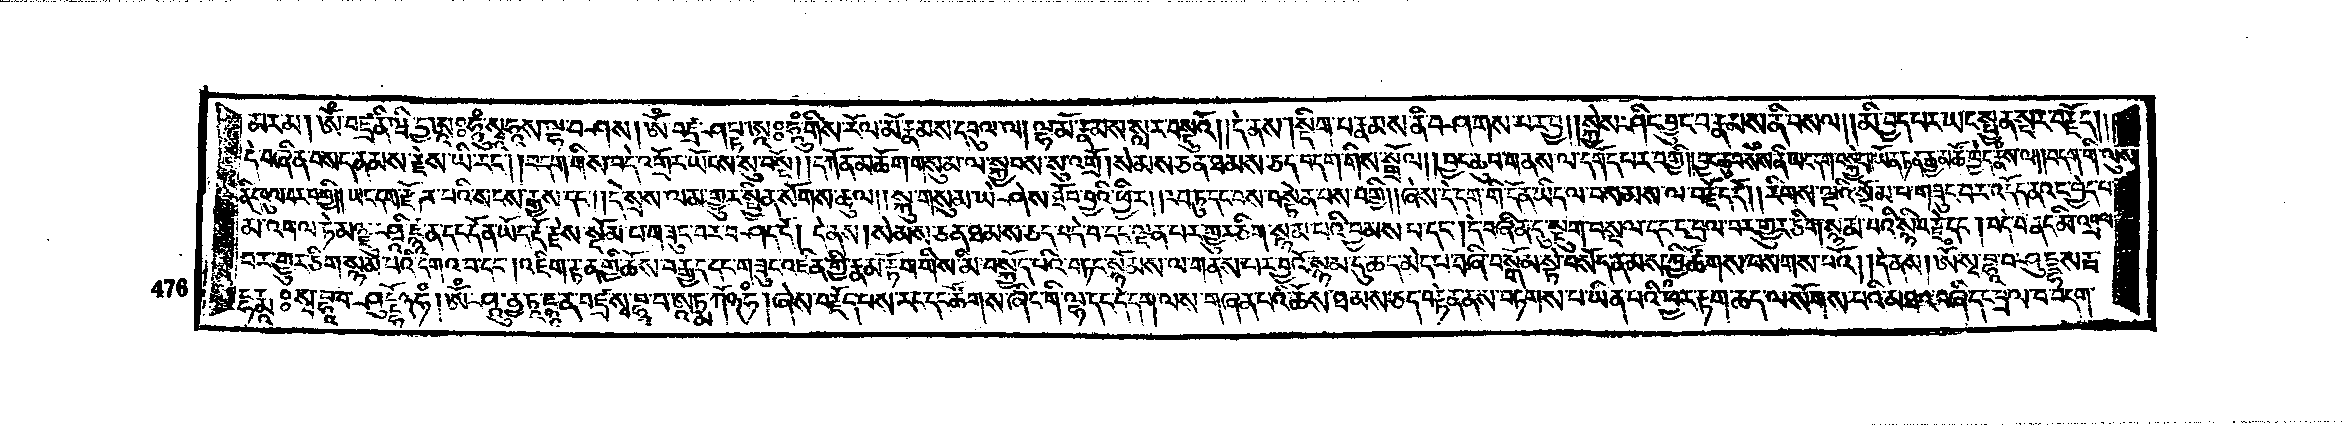མར་མ། ཨོཾ་བཛྲ་ནི་ཝི་དྱ་ཨཱཿ ཧཱུཾ་སྭཱཧཱས་ལྷ་བཤས། ཨོཾ་བཛྲ་ཤཔྟ་ཨཱཿ ཧཱུཾ་གིས་རོལ་མོ་རྣམས་དབུལ་ལ། ལྷ་མོ་རྣམས་སླར་བསྡུའོ། །དེ་ནས། སྡིག་པ་རྣམས་ནི་བཤགས་པར་བྱ། །སྐྱེས་ཤིང་བྱུང་བ་རྣམས་ནི་བསལ། །མི་བྱད་པར་ཡང་སྤྱན་སྔར་བརྗོད། །
དེ་བཞིན་བསོད་ནམས་རྗེས་ཡི་རང་། །བདག་གིས་བདེ་འགྲོར་ཡོངས་སུ་བསྔོ། །དཀོན་མཆོག་གསུམ་ལ་སྐྱབས་སུ་འགྲོ། སེམས་ཅན་ཐམས་ཅད་བདག་གིས་སྒྲོལ། །བྱང་ཆུབ་གནས་ལ་དགོད་པར་བགྱི། །བྱང་ཆུབ་སེམས་ནི་ཡང་དག་བསྐྱེད། །ཡོན་ཏན་རྒྱ་མཚོ་ཁྱེད་རྣམས་ལ། །བདག་གི་ལུས་
ནི་དབུལ་བར་བགྱི། །ཡང་དག་རྫོགས་པའི་སངས་རྒྱས་དང་། །དེ་སྲས་ལམ་གྱུར་སྦྱིན་སོགས་ཚུལ། །སྐུ་གསུམ་ཡེ་ཤེས་ཐོབ་བྱའི་ཕྱིར། །རབ་ཏུ་དང་བས་བསྟེན་པས་བགྱི། །ཞེས་དེ་དག་གི་དོན་ཡིད་ལ་བསམས་ལ་བརྗོད་དོ། །རིགས་ལྔའི་སྡོམ་པ་གཟུང་བར་འདོད་ནའང་བྱེད་པ་
མ་འགལ་ཏེ་མཉྫུ་ཤྲཱི་ཛྙཱ་ན་དང་དོན་ཡོད་རྡོ་རྗེས་སྡོམ་པ་གཟུང་བར་བཤད་དོ། དེ་ནས། སེམས་ཅན་ཐམས་ཅད་བདེ་བ་དང་ལྡན་པར་གྱུར་ཅིག་སྙམ་པའི་བྱམས་པ་དང་། དེ་བཞིན་དུ་སྡུག་བསྔལ་དང་ང་བྲལ་བར་གྱུར་ཅིག་སྙམ་པའི་སྙིང་རྗེ་དང་། བདེ་བ་དང་མི་འབྲལ་
བར་གྱུར་ཅིག་སྙམ་པའི་དགའ་བ་དང་། འཇིག་རྟན་གྱི་ཆོས་བརྒྱད་དང་གཟུང་འཛིན་གྱི་རྣམ་རྟོག་གིས་མི་བསྐྱོད་པའི་བཏང་སྙོམས་ལ་གནས་པར་བྱའོ་སྙམ་དུ་ཆད་མེད་པ་བཞི་བསྒོམ་སྟེ་བསོད་ནམས་ཀྱི་ཚོགས་བསགས་པའོ། །དེ་ནས། ཨོཾ་སྭ་བྷཱ་བ་ཤུདྡྷ་སརྦ་
དྷརྨཱཿ སྭ་བྷཱ་བ་ཤུདྡྷོཉ་ཧཾ། ཨོཾ་ཤཱུ་ཉ་ཏཱ་ཛྙཱ་ན་བཛྲ་སྭ་བྷཱ་བ་ཨཱཏྨ་ཀོཉ་ཧཾ། ཞེས་བརྗོད་པས་རང་དང་ཚོགས་ཞིང་གི་ལྷ་དང་དེ་དག་ལས་གཞན་པའི་ཆོས་ཐམས་ཅད་བརྟེན་ནས་བཏགས་པ་ཡིན་པའི་ཕྱིར་རྟག་ཆད་ལ་སོགས་པའི་མཐའ་བཞི་དང་བྲལ་བ་བདག་